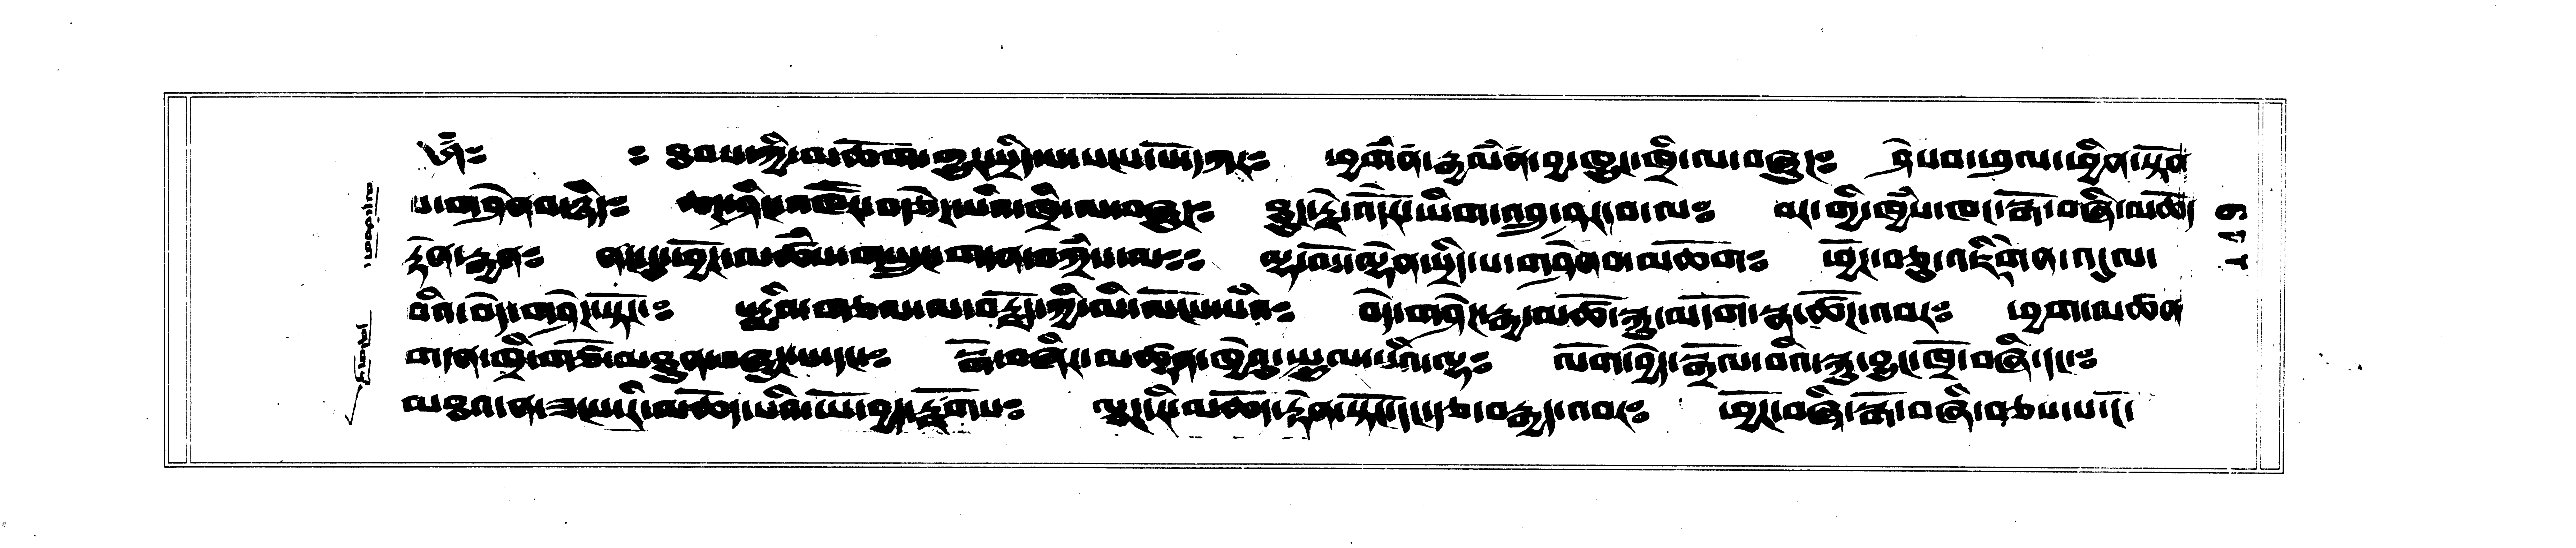ཐབས་ཀྱི་མཆོག་གྱུར་སྲིད་པ་སངས་པོ་དཀརཿ ཕྱག་མཚན་རྒྱལ་མཚན་བྱ་ཁྱུང་ཁྲི་ལ་བཞུགསཿ ཤེས་རབ་ཕུལ་ཕྱིན་སྟོན་
པ་གཤེན་རབ་ཉིདཿ ཆག་ཤིང་འཁོར་ལོ་བརྩེགས་པའི་ཁྲི་ལ་བཞུགསཿ ཐུགས་རྗེ་འོད་ཟེར་ཡིག་འབྲུ་ཤར་བ་ལཿ བར་གྱི་ཁྱམས་ཁང་སྒོ་བཞི་མཆོད་
རྟེན་བརྒྱནཿ ནང་དུ་ཕྱོགས་མཚམས་གཡུང་དྲུང་གདན་བཀྲམ་ལཿ ལྷ་མོ་ལྷ་ཆེན་སྲིད་པ་གཤེན་རབ་མཆོགཿ ཕྱོགས་བཅུ་འཇིག་རྟེན་འདུལ་
བའི་བདེར་གཤེགས་སྟོངཿ པདྨའི་གཅལ་ལ་བརྗོད་ཀྱིས་མི་ལོངས་པའིཿ བདེར་གཤེགས་རྒྱ་མཚོ་སྐུ་མདོག་སྣ་ཚོགས་འབརཿ ཕྱག་མཚན་
གདན་ཁྲི་གཙོ་མཐུན་བཞུགས་པ་དངཿ སྒོ་བཞིར་མཚན་ལྡན་ཁྱེའུ་སྤྲུལ་པའི་ལྷཿ ལོག་བྱེད་སྒྲོལ་བའི་སྐུ་བྱུང་ཁྲོ་བཞི་དངཿ 
མཐའ་ན་ཟངས་རི་མཆོད་པའི་ཡོ་བྱད་རྫོགསཿ ལྕགས་རི་མཆོད་རྟེན་སྟོང་དང་རྩ་བརྒྱད་འབརཿ ཕྱོགས་བཞི་སྒོ་བཞི་བཅས་པ་ངོ་